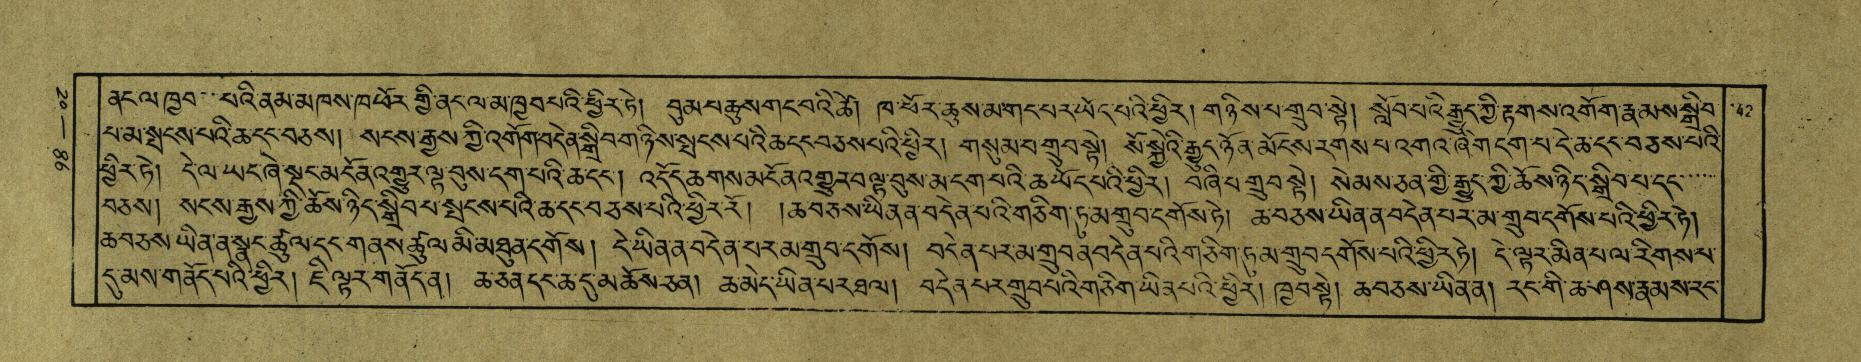ནང་ལ་ཁྱབ་པའི་ནམ་མཁས་ཁ་ཕོར་གྱི་ནང་ལ་མ་ཁྱབ་པའི་ཕྱིར་ཏེ། བུམ་པ་ཆུས་གང་བའི་ཚེ། ཁ་ཕོར་ཆུས་མ་གང་པར་ཡོད་པའི་ཕྱིར། གཉིས་པ་གྲུབ་སྟེ། སློབ་པའི་རྒྱུད་ཀྱི་རྟགས་འགོག་རྣམས་སྒྲིབ་
པ་མ་སྤངས་པའི་ཆ་དང་བཅས། སངས་རྒྱས་ཀྱི་འགོག་བདེན་སྒྲིབ་གཉིས་སྤངས་པའི་ཆ་དང་བཅས་པའི་ཕྱིར། གསུམ་པ་གྲུབ་སྟེ། སོ་སྐྱེའི་རྒྱུད་ཉོན་མོངས་རགས་པ་འགའ་ཞིག་དག་པ་དེ་ཆ་དང་བཅས་པའི་
ཕྱིར་ཏེ། དེ་ལ་ཡང་ཞེ་སྡང་མངོན་འགྱུར་ལྟ་བུས་དག་པའི་ཆ་དང་། འདོད་ཆགས་མངོན་འགྱུར་བ་ལྟ་བུས་མ་དག་པའི་ཆ་ཡོད་པའི་ཕྱིར། བཞི་པ་གྲུབ་སྟེ། སེམས་ཅན་གྱི་རྒྱུད་ཀྱི་ཆོས་ཉིད་སྒྲིབ་པ་དང་
བཅས། སངས་རྒྱས་ཀྱི་ཆོས་ཉིད་སྒྲིབ་པ་སྤངས་པའི་ཆ་དང་བཅས་པའི་ཕྱིར་རོ། །ཆ་བཅས་ཡིན་ན་བདེན་པའི་གཅིག་ཏུ་མ་གྲུབ་དགོས་ཏེ། ཆ་བཅས་ཡིན་ན་བདེན་པར་མ་གྲུབ་དགོས་པའི་ཕྱིར་ཏེ།
ཆ་བཅས་ཡིན་ན་སྣང་ཚུལ་དང་གནས་ཚུལ་མི་མཐུན་དགོས། དེ་ཡིན་ན་བདེན་པར་མ་གྲུབ་དགོས། བདེན་པར་མ་གྲུབ་ན་བདེན་པའི་གཅིག་ཏུ་མ་གྲུབ་དགོས་པའི་ཕྱིར་ཏེ། དེ་ལྟར་མིན་པ་ལ་རིགས་པ་
དུ་མས་གནོད་པའི་ཕྱིར། ཇི་ལྟར་གནོད་ན། ཆ་ཅན་དང་ཆ་དུ་མ་ཆོས་ཅན། ཆ་མེད་ཡིན་པར་ཐལ། བདེན་པར་གྲུབ་པའི་གཅིག་ཡིན་པའི་ཕྱིར། ཁྱབ་སྟེ། ཆ་བཅས་ཡིན་ན། རང་གི་ཆ་ཤས་རྣམས་རང་